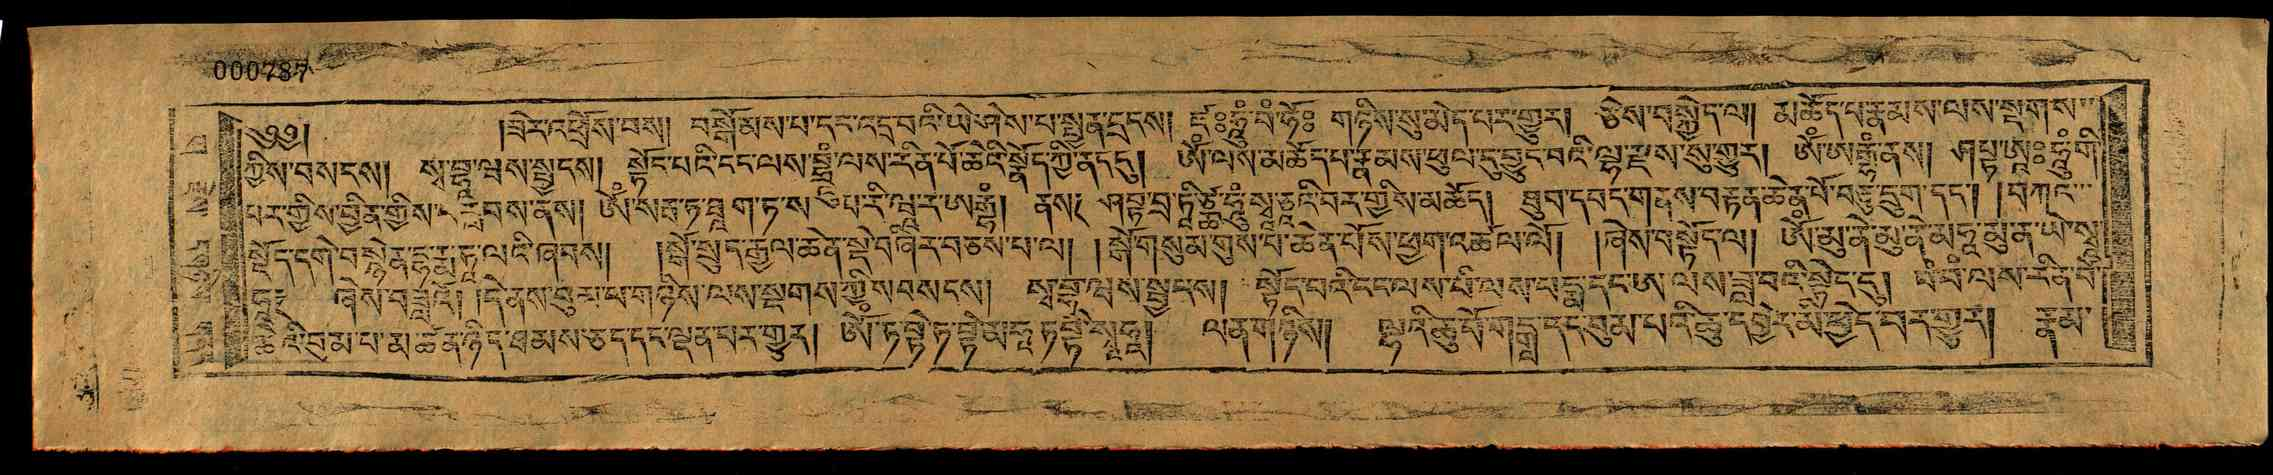༄༅། །ཟེར་འཕྲོས་པས། བསྒོམས་པ་དང་འདྲ་བའི་ཡེ་ཤེས་པ་སྤྱན་དྲངས། ཛཿ ཧཱུཾ་བཾ་ཧོཿ གཉིས་སུ་མེད་པར་གྱུར། ཅེས་བསྐྱེད་ལ། མཆོད་པ་རྣམས་ལས་སྔགས་
ཀྱིས་བསངས། སྭ་བྷཱ་ཝས་སྦྱངས། སྟོང་པའི་ངང་ལས་བྷྲཱུཾ་ལས་རིན་པོ་ཆེའི་སྣོད་ཀྱི་ནང་དུ། ཨོཾ་ལས་མཆོད་པ་རྣམས་ཕུལ་དུ་བྱུང་བའི་ལྷ་རྫས་སུ་གྱུར། ཨོཾ་ཨརྒྷཾ་ནས། ཤཔྟ་ཨཱཿ ཧཱུཾ་གི་
བར་གྱིས་བྱིན་གྱིས་བརླབས་ནས། ཨོཾ་སརྦ་ཏ་ཐཱ་ག་ཏ་ས་པ་རི་ཝཱ་ར་ཨརྒྷཾ། ནས༑ ཤཔྟ་པྲ་ཏཱི་ཙྪ་ཧཱུཾ་སྭཱཧཱའི་བར་གྱིས་མཆོད། ཐུབ་དབང་གནས་བརྟན་ཆེན་པོ་བཅུ་དྲུག་དང་། །བཀའ་
སྡོད་དགེ་བསྙེན་དྷརྨ་ཏཱ་ལའི་ཞབས། །སྒོ་སྲུང་རྒྱལ་ཆེན་སྡེ་བཞིར་བཅས་པ་ལ། །སྒོ་གསུམ་གུས་པ་ཆེན་པོས་ཕྱག་འཚལ་ལོ། །ཞེས་བསྟོད་ལ། ཨོཾ་མུ་ནེ་མུ་ནེ་མཧཱ་མུ་ན་ཡི་སྭཱ་
ཧཱ༑ ཞེས་བཟླའོ། །དེ་ནས་བུམ་པ་གཉིས་ལས་སྔགས་ཀྱིས་བསངས། སྭ་བྷཱ་ཝས་སྦྱངས། སྟོང་པོའི་ངང་ལས་པཾ་ལས་པདམ་དང་ཨ་ལས་ཟླ་བའི་སྟེང་དུ། བ་བཾ་ལས་རིན་པོ་
ཆེའི་བུམ་པ་མཚན་ཉིད་ཐམས་ཅད་དང་ལྡན་པར་གྱུར། ཨོཾ་ཏཔྟེ་ཏཔྟེ་མཧཱ་ཏཔྟེ་སྭཱཧཱ། ལན་གཉིས། ལྷའི་ཆུ་བོ་གངྒཱ་དང་བུམ་པའི་ཆུ་དབྱེར་མི་ཕྱེད་པར་གྱུར། རྣམ་